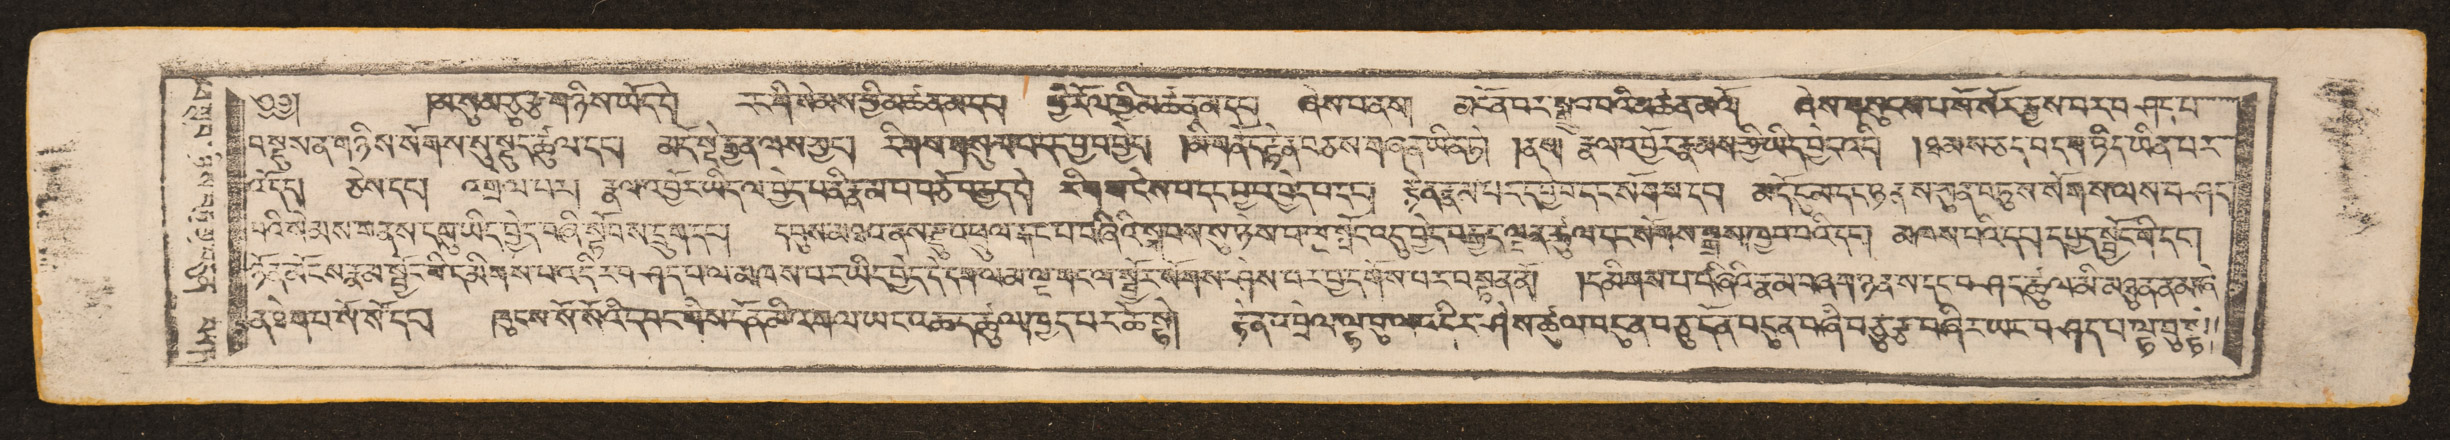༄༅། །མ་སུམ་ཅུ་རྩ་གཉིས་ཡོད་དེ། རང་གི་སེམས་ཀྱི་མཚན་མ་དང་། ཕྱི་རོལ་གྱི་མཚན་མ་དང་། ཞེས་པ་ནས། མངོན་པར་སྒྲུབ་པའི་མཚན་མའོ། ཞེས་གསུངས་པ་སོ་སོར་རྒྱས་པར་བཤད་པ་
བསྡུས་ན་གཉིས་སོགས་སུ་སྡུད་ཚུལ་དང་། མདོ་སྡེ་རྒྱན་ལས་ཀྱང་། རིགས་གསུམ་པ་དང་བྱ་བ་བྱེད། །མིག་ནོད་རྟེན་བཅས་གཞན་ཡིན་ཏེ། །ནས། རྣལ་འབྱོར་རྣམས་ཀྱི་ཡིད་བྱེད་འདི། །ཐམས་ཅད་བདག་ཉིད་ཡིན་པར་
འདོད། ཅེས་དང་། འགྲེལ་བར། རྣལ་འབྱོར་ཡིད་ལ་བྱེད་པ་ནི་རྣམ་པ་བཅོ་བརྒྱད་དེ། རིགས་ངེས་པ་དང་བྱ་བ་བྱེད་པ་དང་། རྟེན་རྣམ་པར་དབྱེ་པ་དང་སོགས་དང་། མདོ་དུ་མ་དང་ཉན་ས་ཀུན་བཏུས་སོགས་ལས་བཤད་
པའི་སེམས་གནས་དགུ་ཡིད་བྱེད་བཞི་སྟོབས་དྲུག་དང་། དབུས་མཐའ་ནས་རྫུ་འཕྲུལ་རྐང་པ་བཞིའི་སྐབས་སུ་ཉེས་པ་ལྔ་སྤོང་འདུ་བྱེད་བརྒྱད་ལྡན་ཚུལ་དང་སོགས་སྒྲས་ཁྱབ་པའི་དང་། མཁས་པའི་དང་། དཔྱད་སྦྱོང་གི་དང་།
ཉོན་མོངས་རྣམ་སྤྱོད་?་གི་དམིགས་པ་འདིར་བཤད་པ་ལ་མཁས་པར་ཡིད་བྱེད་དེ་དག་ལམ་ལྔ་གང་ལ་སྦྱོར་སོགས་ཤེས་པར་བྱ་དགོས་པར་བསྟན་ནོ། །དམིགས་པ་བཞིའི་རྣམ་བཞག་ཉ་ནས་དང་བཤད་ཚུལ་མི་མཐུན་ནམ་ཞེ་
ན་ཐེག་པ་སོ་སོ་དང་། ཁུངས་སོ་སོའི་དབང་གིས་དོན་མི་འགལ་ཡང་འཆད་ཚུལ་ཁྱད་པར་ཆེ་སྟེ། རྟེན་འབྲེལ་ལྟ་བུ་ལ་འདིར་ཤེས་ཚུལ་བདུན་བཅུ་དོན་བདུན་བཞི་བཅུ་རྩ་བཞིར་ཡང་བཤད་པ་ལྟ་བུ་སྟེ།